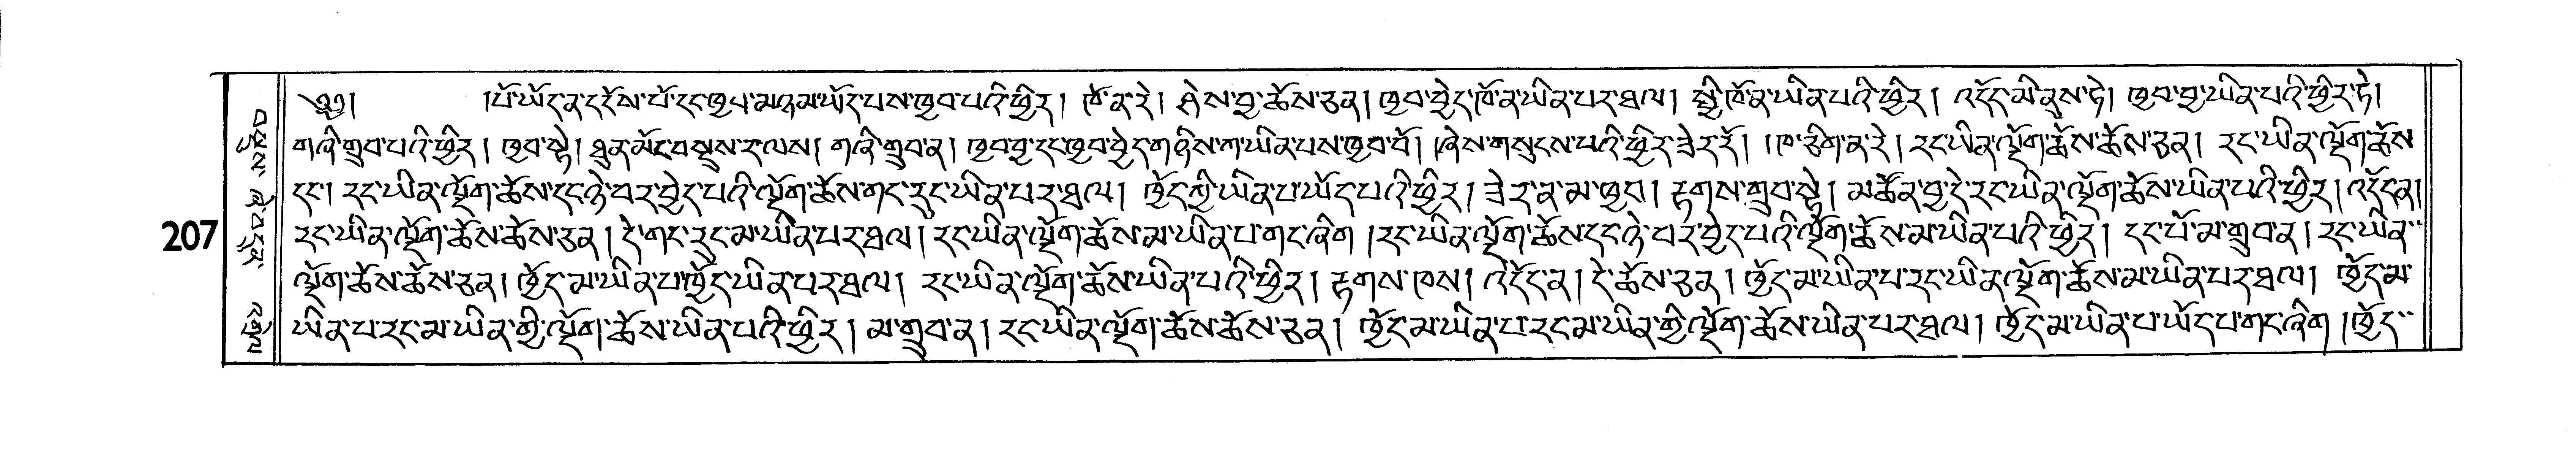༄༅། །པོ་ཡོད་ན་དངོས་པོ་དང་ཁྱབ་མཉམ་ཡོད་པས་ཁྱབ་པའི་ཕྱིར། ཁོ་ན་རེ། ཤེས་བྱ་ཆོས་ཅན། ཁྱབ་བྱེད་ཁོ་ན་ཡིན་པར་ཐལ། སྤྱི་ཁོ་ན་ཡིན་པའི་ཕྱིར། འདོད་མི་ནུས་ཏེ། ཁྱབ་བྱ་ཡིན་པའི་ཕྱིར་ཏེ།
གཞི་གྲུབ་པའི་ཕྱིར། ཁྱབ་སྟེ། ཐུན་མོང་བསྡུས་ར་ལས། གཞི་གྲུབ་ན། ཁྱབ་བྱ་དང་ཁྱབ་བྱེད་གཉིས་ཀ་ཡིན་པས་ཁྱབ་བོ། །ཞེས་གསུངས་པའི་ཕྱིར་ཟེར་རོ། །ཁ་ཅིག་ན་རེ། རང་ཡིན་ལྡོག་ཆོས་ཆོས་ཅན། རང་ཡིན་ལྡོག་ཆོས་
དང་། རང་ཡིན་ལྡོག་ཆོས་དང་ཉེ་བར་བྱེད་པའི་ལྡོག་ཆོས་གང་རུང་ཡིན་པར་ཐལ། ཁྱོད་ཀྱི་ཡིན་པ་ཡོད་པའི་ཕྱིར། ཟེར་ན་མ་ཁྱབ། རྟགས་གྲུབ་སྟེ། མཚོན་བྱ་དེ་རང་ཡིན་ལྡོག་ཆོས་ཡིན་པའི་ཕྱིར། འདོད་ན།
རང་ཡིན་ལྡོག་ཆོས་ཆོས་ཅན། དེ་གང་རུང་མ་ཡིན་པར་ཐལ། རང་ཡིན་ལྡོག་ཆོས་མ་ཡིན་པ་གང་ཞིག །རང་ཡིན་ལྡོག་ཆོས་དང་ཉེ་བར་བྱེད་པའི་ལྡོག་ཆོས་མ་ཡིན་པའི་ཕྱིར། དང་པོ་མ་གྲུབ་ན། རང་ཡིན་
ལྡོག་ཆོས་ཆོས་ཅན། ཁྱོད་མ་ཡིན་པ་ཁྱོད་ཡིན་པར་ཐལ། རང་ཡིན་ལྡོག་ཆོས་ཡིན་པའི་ཕྱིར། རྟགས་ཁས། འདོད་ན། དེ་ཆོས་ཅན། ཁྱོད་མ་ཡིན་པ་རང་ཡིན་ལྡོག་ཆོས་མ་ཡིན་པར་ཐལ། ཁྱོད་མ་
ཡིན་པ་རང་མ་ཡིན་གྱི་ལྡོག་ཆོས་ཡིན་པའི་ཕྱིར། མ་གྲུབ་ན། རང་ཡིན་ལྡོག་ཆོས་ཆོས་ཅན། ཁྱོད་མ་ཡིན་པ་རང་མ་ཡིན་གྱི་ལྡོག་ཆོས་ཡིན་པར་ཐལ། ཁྱོད་མ་ཡིན་པ་ཡོད་པ་གང་ཞིག །ཁྱོད་